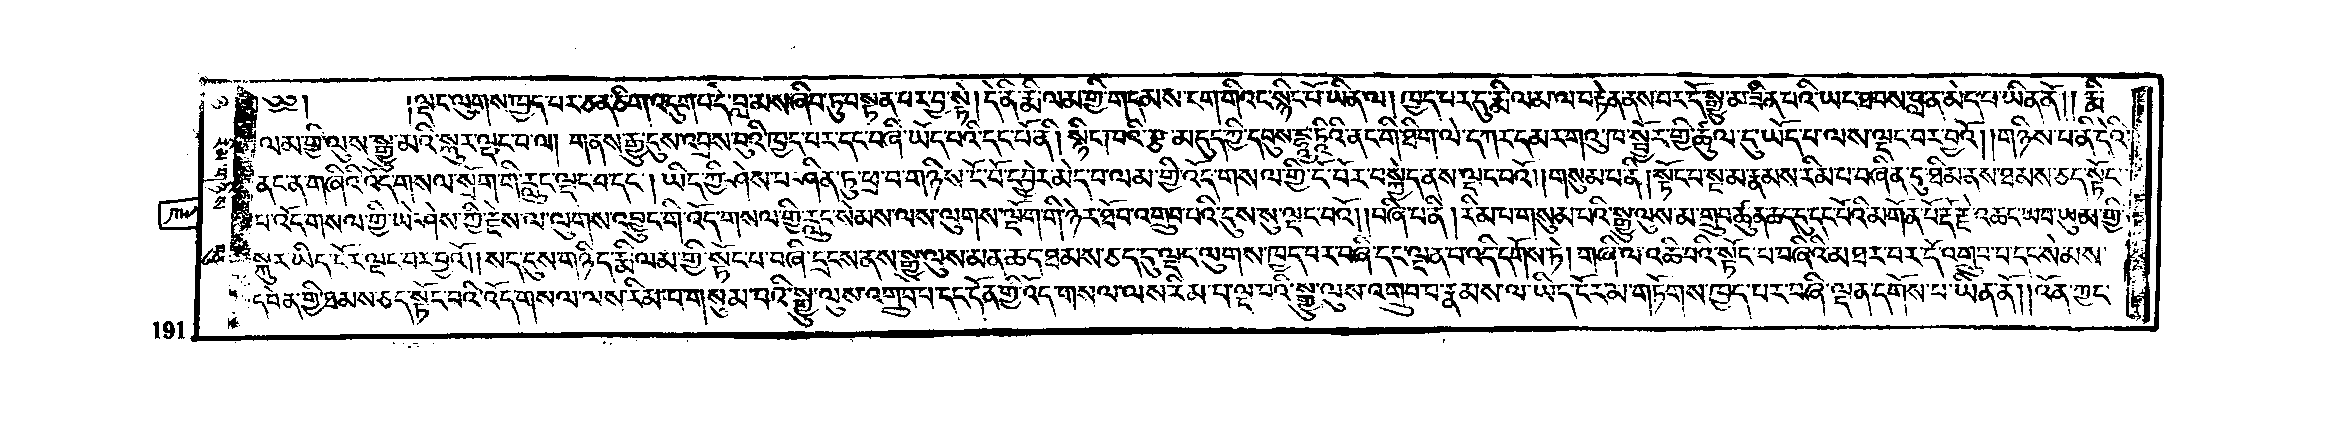༄༅། །ལྡང་ལུགས་ཁྱད་པར་ཅན་ཅིག་འདུག་པ་དེ་བླ་མས་ཞིབ་ཏུ་བསྟན་པར་བྱ་སྟེ། དེ་ནི་རྨི་ལམ་གྱི་གདམས་ངག་གིའང་སྙིང་པོ་ཡིན་ལ། ཁྱད་པར་དུ་རྨི་ལམ་ལ་བརྟེན་ནས་བར་དོ་སྒྱུ་མ་ཟིན་པའི་ཡང་ཐབས་བླ་ན་མེད་པ་ཡིན་ནོ། །རྨི་
ལམ་གྱི་ལུས་སྒྱུ་མའི་སྐུར་ལྡང་བ་ལ། གནས་རྒྱུ་དུས་འབྲས་བུའི་ཁྱད་པར་དང་བཞི་ཡོད་པའི་དང་པོ་ནི། སྙིང་ཁའི་རྩ་མདུད་ཀྱི་དབུས་དྷཱུ་ཏཱིའི་ནང་གི་ཐིག་ལེ་དཀར་དམར་གའུ་ཁ་སྦྱོར་གྱི་ཚུལ་དུ་ཡོད་པ་ལས་ལྡང་བར་བྱའོ། །གཉིས་པ་ནི་དེའི་
ནང་ན་གཞིའི་འོད་གསལ་སྲོག་གི་རླུང་ལྡང་བ་དང་། ཡིད་ཀྱི་ཤེས་པ་ཤིན་ཏུ་ཕྲ་བ་གཉིས་ངོ་བོ་དབྱེར་མེད་པ་ལམ་གྱི་འོད་གསལ་གྱི་ངོ་བོར་བསྐྱེད་ནས་ལྡང་བའོ། །གསུམ་པ་ནི། སྟོང་པ་སྔ་མ་རྣམས་རིམ་པ་བཞིན་དུ་ཐིམ་ནས་ཐམས་ཅད་སྟོང་
པ་འོད་གསལ་གྱི་ཡེ་ཤེས་ཀྱི་རྗེས་ལ་ལུགས་འབྱུང་གི་འོད་གསལ་གྱི་རླུང་སེམས་ལས་ལུགས་ལྡོག་གི་ཉེར་ཐོབ་འགྲུབ་པའི་དུས་སུ་ལྡང་བའོ། །བཞི་པ་ནི། རིམ་པ་གསུམ་པའི་སྒྱུ་ལུས་མ་གྲུབ་ཚུན་ཆད་དུ་དང་པོའི་མགོན་པོ་རྡོ་རྗེ་འཆང་ཡབ་ཡུམ་གྱི་
སྐུར་ཡིད་ངོར་ལྡང་བར་བྱའོ། །སད་དུས་གཉིད་རྨི་ལམ་གྱི་སྟོང་པ་བཞི་དྲངས་ནས་སྒྱུ་ལུས་མན་ཆད་ཐམས་ཅད་དུ་ལྡང་ལུགས་ཁྱད་པར་བཞི་དང་ལྡན་པ་འདི་དགོས་ཏེ། གཞི་ལ་འཆི་བའི་སྟོང་པ་བཞིའི་མཐར་བར་དོ་འགྲུབ་པ་དང་སེམས་
དབེན་གྱི་ཐམས་ཅད་སྟོང་པའི་འོད་གསལ་ལས་རིམ་པ་གསུམ་པའི་སྒྱུ་ལུས་འགྲུབ་པ་དང་དོན་གྱི་འོད་གསལ་ལས་རིམ་པ་ལྔ་བའི་སྒྱུ་ལུས་འགྲུབ་པ་རྣམས་ལ་ཡིད་ངོར་མ་གཏོགས་ཁྱད་པར་བཞི་ལྡན་དགོས་པ་ཡིན་ནོ། །འོན་ཀྱང་